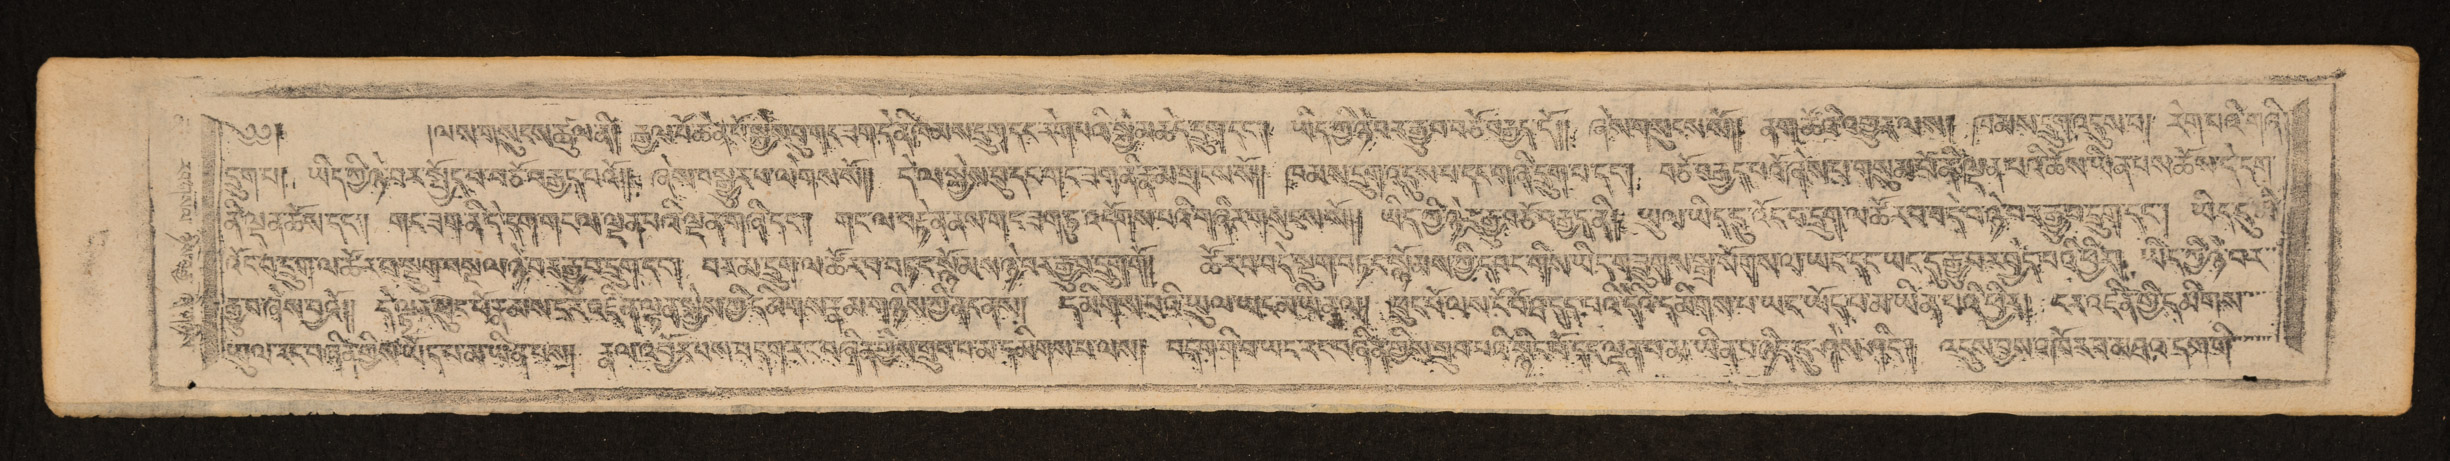༄༅། །ལས་གསུངས་ཚུལ་ནི། རྒྱལ་པོ་ཆེན་པོ་སྐྱེས་བུ་གང་ཟག་དེ་ནི་ཁམས་དྲུག་དང་རེག་པའི་སྐྱེ་མཆེད་དྲུག་དང་། ཡིད་ཀྱི་ཉེ་བར་རྒྱུ་བ་བཅོ་བརྒྱད་དོ།། ཞེས་གསུངས་སོ།། ནག་ཚོའི་འགྱུར་ལས། ཁམས་དྲུག་འདུས་པ། རེག་པའི་གཞི་
དྲུག་པ། ཡིད་ཀྱི་ཉེ་བར་སྤྱོད་པ་བཅོ་བརྒྱད་པའོ།། ཞེས་བསྒྱུར་བ་ལེགས་སོ།། དེ་ལ་སྐྱེས་བུ་དང་གང་ཟག་ནི་རྣམ་གྲངས་སོ།། ཁམས་དྲུག་འདུས་པ་དང་གཞི་དྲུག་པ་དང་། བཅོ་བརྒྱད་པའོ་ཞེས་པ་གསུམ་པོ་ནི་ལྡན་པའི་ཆོས་ཡིན་པས་ཆོས་དེ་དག་
ནི་ལྡན་ཆོས་དང་། གང་ཟག་ནི་དེ་དག་གང་ལ་ལྡན་པའི་ལྡན་གཞི་དང་། གང་ལ་བརྟེན་ནས་གང་ཟག་ཏུ་འདོགས་པའི་གཞིར་གསུངས་སོ།། ཡིད་ཀྱི་ཉེར་རྒྱུ་བཅོ་བརྒྱད་ནི། ཡུལ་ཡིད་དུ་འོང་བ་དྲུག་ལ་ཚོར་བ་བདེ་བ་ཉེ་བར་རྒྱུ་བ་དྲུག་དང་། ཡིད་དུ་མི་
འོང་བ་དྲུག་ལ་ཚོར་བ་སྡུག་བསྔལ་ཉེ་བར་རྒྱུ་བ་དྲུག་དང་། བར་མ་དྲུག་ལ་ཚོར་བ་བཏང་སྙོམས་ཉེ་བར་རྒྱུ་བ་དྲུག་གོ། ཚོར་བ་བདེ་སྡུག་བཏང་སྙོམས་ཀྱི་དབང་གིས་ཡིད་གཟུགས་སྒྲ་སོགས་ལ་ཡང་དང་ཡང་དུ་རྒྱུ་བར་བྱེད་པའི་ཕྱིར། ཡིད་ཀྱི་ཉེ་བར་
རྒྱུ་བ་ཞེས་བྱའོ།། དེ་ལྟར་ཕུང་པོ་རྣམས་ངར་འཛིན་ལྷན་སྐྱེས་ཀྱི་དམིགས་རྣམ་གཉིས་ཀྱི་ནང་ནས། དམིགས་པའི་ཡུལ་ཡང་མ་ཡིན་ལ། ཕུང་པོ་ལས་ངོ་བོ་ཐ་དད་པའི་དེའི་དམིགས་པ་ཡང་ཡོད་པ་མ་ཡིན་པའི་ཕྱིར། ངར་འཛིན་གྱི་དམིགས་
ཡུལ་རང་བཞིན་གྱིས་ཡོད་པ་མ་ཡིན་པས། རྣལ་འབྱོར་པས་བདག་རང་བཞིན་གྱིས་གྲུབ་པ་མ་དམིགས་པ་ལས། བདག་གི་བ་ཡང་རང་བཞིན་གྱིས་གྲུབ་པའི་སྙིང་པོ་དང་ལྡན་པ་མ་ཡིན་པ་ཉིད་དུ་ཤེས་ཤིང་། འདུས་བྱས་འཁོར་བ་མཐའ་དག་གི་